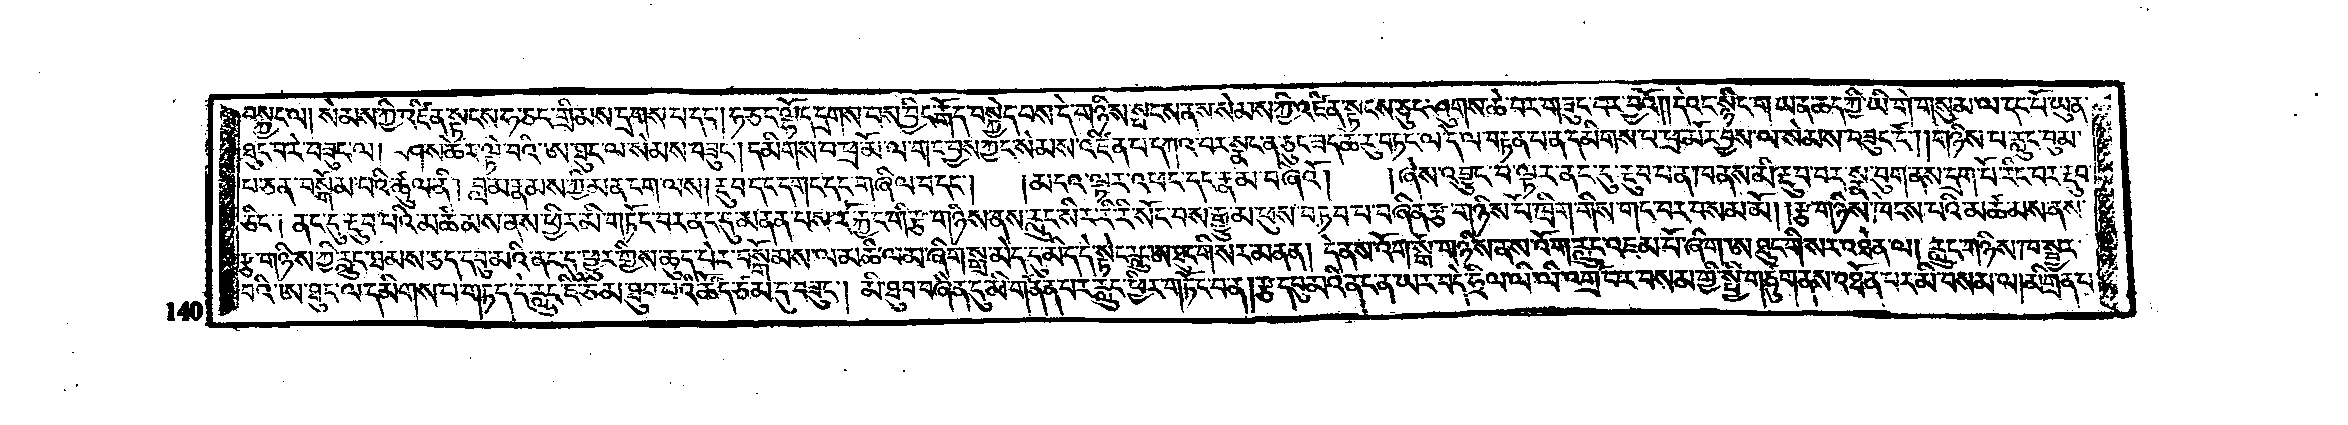བསྐྱང་ལ། སེམས་ཀྱི་འཛིན་སྟངས་ཧ་ཅང་གྲིམས་དྲགས་པ་དང་། ཧ་ཅང་ལྷོད་དྲགས་པས་བྱིང་རྒོད་བསྐྱེད་པས་དེ་གཉིས་སྤངས་ནས་སེམས་ཀྱི་འཛིན་སྟངས་ཅུང་ཤུགས་ཆེ་བར་གཟུང་བར་བྱའོ། །དེའང་སྙིང་ག་ཡན་ཆད་ཀྱི་ཡི་གེ་གསུམ་ལ་དང་པོ་ཡུན་
ཐུང་བ་རེ་བཟུང་ལ། ཤས་ཆེར་ལྟེ་བའི་ཨ་ཐུང་ལ་སེམས་བཟུང་། དམིགས་པ་ཕྲ་མོ་ལ་གང་བྱས་ཀྱང་སེམས་འཛིན་པ་དཀའ་བར་སྣང་ན་ཅུང་ཟད་ཆེ་རུ་བཏང་ལ་དེ་ལ་བརྟན་པ་ན་དམིགས་པ་ཕྲ་མོར་བྱས་ལ་སེམས་བཟུང་ངོ། །གཉིས་པ་རླུང་བུམ་
པ་ཅན་བསྒོམ་པའི་ཚུལ་ནི། བླ་མ་རྣམས་ཀྱི་མན་ངག་ལས། རྔུབ་དང་དགང་དང་གཞིལ་བ་དང་། །མདའ་ལྟར་འཕང་དང་རྣམ་བཞིའོ། །ཞེས་འབྱུང་བ་ལྟར་ནང་དུ་རྔུབ་པ་ན་ཁ་ནས་མི་རྔུབ་པར་སྣ་བུག་ནས་དྲག་པོ་རིང་བར་རྔུབ་
ཅིང་། ནང་དུ་རྔུབ་པའི་མཚམས་ནས་ཕྱིར་མི་གཏོང་བར་ནང་དུ་མནན་པས་རོ་རྐྱང་གི་རྩ་གཉིས་ནས་རླུང་སིར་རི་རི་སོང་བས་རྒྱུ་མ་ཕུས་བཏབ་པ་བཞིན་རྩ་གཉིས་པོ་ཁྲིག་གིས་གང་བར་བསམ་མོ། །རྩ་གཉིས་ཁེངས་པའི་མཚམས་ནས་
རྩ་གཉིས་ཀྱི་རླུང་ཐམས་ཅད་དབུ་མའི་ནང་དུ་ཕྱུར་གྱིས་ཆུད་པེར་བསྒོམས་ལ་མཆི་ལམ་ཞིག་སྒྲ་མེད་དུ་མིད་དེ་སྟེང་རླུང་ཨ་ཐུང་གི་སར་མནན། དེ་ནས་འོག་སྒོ་གཉིས་ནས་འོག་རླུང་འཇམ་པོ་ཞིག་ཨ་ཐུང་གི་སར་འཐེན་ལ། རླུང་གཉིས་ཁ་སྦྱར་
བའི་ཨ་ཐུང་ལ་དམིགས་པ་གཏད་དེ་རླུང་ཇི་ཙམ་ཐུབ་པའི་ཚོད་ཙམ་དུ་བཟུང་། མི་ཐུབ་བཞིན་དུ་མི་གནོན་པར་རླུང་ཕྱིར་གཏོང་བ་ན། རྩ་དབུ་མའི་ནང་ན་ཡར་བདེ་ཧྲིལ་ལི་ལི་འགྲོ་བར་བསམ་གྱི་སྤྱི་གཙུག་ནས་འཐོན་པར་མི་བསམ་ལ། མགྲིན་པ་